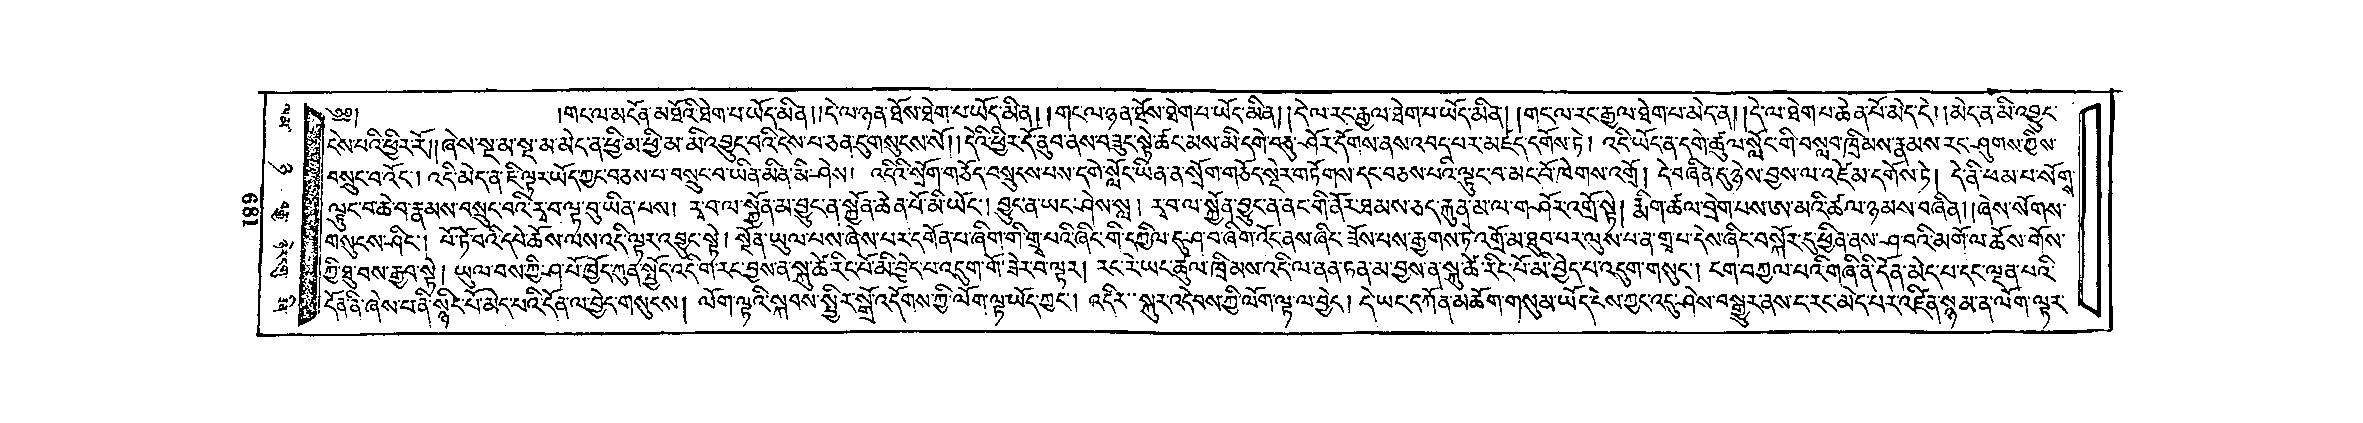༄༅། །གང་ལ་མངོན་མཐོའི་ཐེག་པ་ཡོད་མིན། །དེ་ལ་ཉན་ཐོས་ཐེག་པ་ཡོད་མིན། །གང་ལ་ཉན་ཐོས་ཐེག་པ་ཡོད་མིན། །དེ་ལ་རང་རྒྱལ་ཐེག་པ་ཡོད་མིན། །གང་ལ་རང་རྒྱལ་ཐེག་པ་མེད་ན། །དེ་ལ་ཐེག་པ་ཆེན་པོ་མེད་དེ། །མེད་ན་མི་འབྱུང་
ངེས་པའི་ཕྱིར་རོ། །ཞེས་སྔ་མ་སྔ་མ་མེད་ན་ཕྱི་མ་ཕྱི་མ་མི་འབྱུང་བའི་ངེས་པ་ཅན་དུ་གསུངས་སོ། །དེའི་ཕྱིར་དོ་ནུབ་ནས་བཟུང་སྟེ་ཚང་མས་མི་དགེ་བཅུ་ཤོར་དོགས་ནས་འབད་པར་མཛད་དགོས་ཏེ། འདི་ཡོད་ན་དགེ་ཚུལ་སློང་གི་བསླབ་ཁྲིམས་རྣམས་རང་ཤུགས་ཀྱིས་
བསྲུང་བ་འོང་། འདི་མེད་ན་ཇི་ལྟར་ཡོད་ཀྱང་བཅས་པ་བསྲུང་བ་ཡིན་མིན་མི་ཤེས། འདིའི་སྲོག་གཅོད་བསྲུངས་པས་དགེ་སློང་ཡིན་ན་སྲོག་གཅོད་སྡེར་གཏོགས་དང་བཅས་པའི་ལྟུང་བ་མང་པོ་ཁེགས་འགྲོ་།དེ་བཞིན་དུ་ཉེས་བྱས་ལ་འཛེམ་དགོས་ཏེ། དེ་ནི་ཕམ་པ་སོགས་
ལྟུང་བ་ཆེ་བ་རྣམས་བསྲུང་བའི་རྭ་བ་ལྟ་བུ་ཡིན་པས། རྭ་བ་ལ་སྐྱོན་མ་བྱུང་ན་སྐྱོན་ཆེ་པོ་མི་ཡོང་། བྱུང་ན་ཡང་ཤེས་སླ། རྭ་བ་ལ་སྐྱོན་བྱུང་ན་ནང་གི་ནོར་ཐམས་ཅད་རྐུན་མ་ལ་གཤོར་འགྲོ་སྟེ། རྨིག་ཚལ་བྲེག་པས་ཨ་མའི་ཚལ་ཉམས་བཞིན། །ཞེས་སོགས་
གསུངས་ཤིང་། པོ་ཏོ་བའི་དཔེ་ཆོས་ལས་འདི་ལྟར་འབྱུང་སྟེ། སྔོན་ཡུལ་པས་ཞེས་པར་དགོན་པ་ཞིག་གི་གྲྭ་པའི་ཞིང་གི་དཀྱིལ་དུ་ཤ་བ་ཞིག་འོང་ནས་ཞིང་ཟོས་པས་རྒྱགས་ཏེ་འགྲོ་མ་ཐུབ་པར་ལུས་པ་ན་གྲྭ་པ་དེས་ཞིང་བསྐོར་དུ་ཕྱིན་ནས་ཤ་བའི་མགོ་ལ་ཆོས་གོས་
ཀྱི་ཐུ་བས་རྒྱབ་སྟེ། ཡུལ་བས་ཀྱི་ཤ་པོ་ཁྱོད་ཀུན་སྤྱོད་འདི་ག་རང་བྱས་ན་སྐུ་ཚེ་རིང་པོ་མི་བྱེད་པ་འདུག་གོ་ཟེར་བ་ལྟར། རང་རེ་ཡང་ཚུལ་ཁྲིམས་འདི་ལ་ནན་ཏན་མ་བྱས་ན་སྐུ་ཚེ་རིང་པོ་མི་བྱེད་པ་འདུག་གསུང་། ངག་བཀྱལ་པའི་གཞི་ནི་དོན་མེད་པ་དང་ལྡན་པའི་
དོན་ནི་ཞེས་པ་ནི་སྙིང་པོ་མེད་པའི་དོན་ལ་བྱེད་གསུངས། ལོག་ལྟའི་སྐབས་སྤྱིར་སྒྲོ་འདོགས་ཀྱི་ལོག་ལྟ་ཡོད་ཀྱང་། འདིར་སྐུར་འདེབས་ཀྱི་ལོག་ལྟ་ལ་བྱེད། དེ་ཡང་དཀོན་མཆོག་གསུམ་ཡོད་ངེས་ཀྱང་འདུ་ཤེས་བསྒྱུར་ནས་ང་རང་མེད་པར་འཛིན་སྙམ་ན་ལོག་ལྟར་